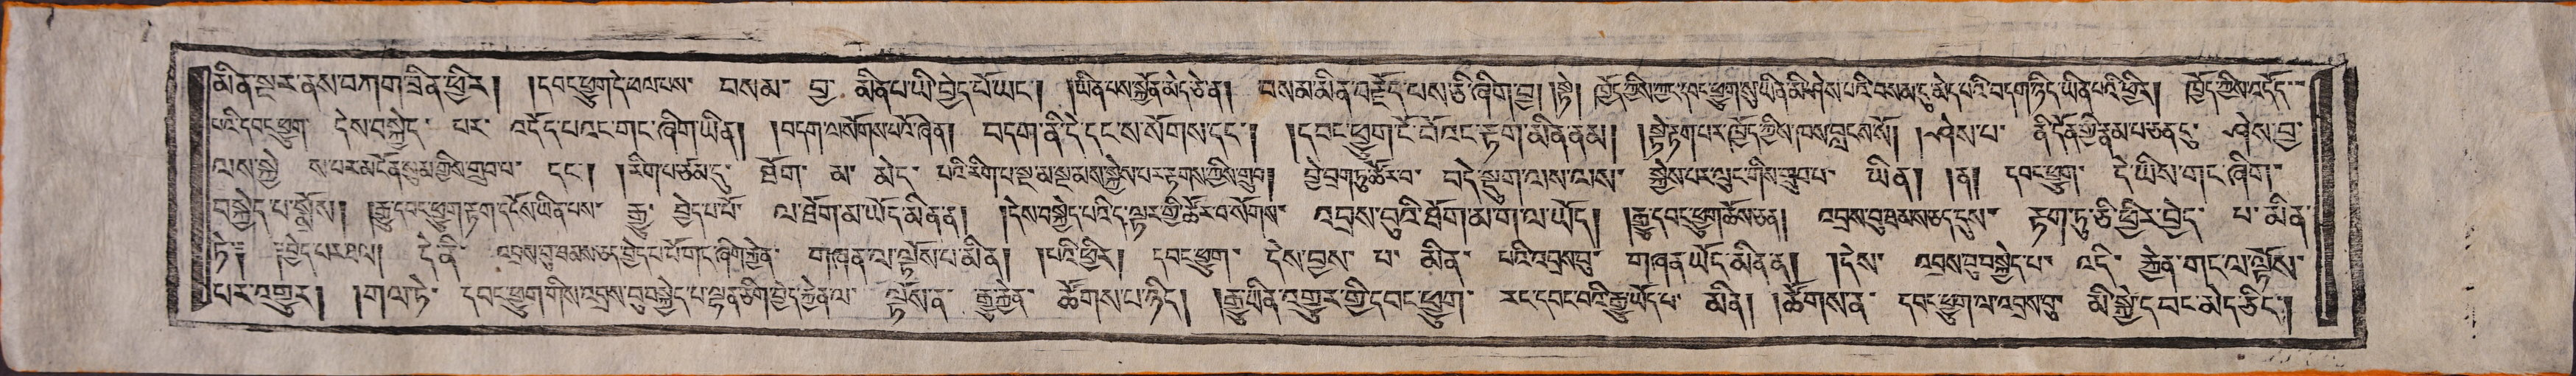མིན་སྔར་ནས་བཀག་ཟིན་ཕྱིར། །དབང་ཕྱུག་དེ་ཕལ་བས་བསམ་བྱ་མིན་པ་ཡི་བྱེད་པོ་ཡང་། །ཡིན་བས་སྐྱོན་མེད་ཅེ་ན་བསམ་མིན་བརྗོད་པས་ཅི་ཞིག་བྱ། །སྟེ། ཁྱོད་ཀྱིས་ཀྱང་དབང་ཕྱུག་སུ་ཡིན་མི་ཤེས་པའི་བསམ་དུ་མེད་པའི་བདག་ཉིད་ཡིན་པའི་ཕྱིར། ཁྱོད་ཀྱིས་འདོད་
བའི་དབང་ཕྱུག་དེས་བསྐྱེད་བར་འདོད་པའང་གང་ཞིག་ཡིན། །བདག་ལ་སོགས་པའོ་ཞེ་ན།  བདག་ནི་དེ་དང་ས་སོགས་དང་། །དབང་ཕྱུག་ངོ་བོའང་རྟག་མིན་ནམ། །སྟེ་རྟག་པར་ཁྱོད་ཀྱིས་ཁས་བླངས་སོ།  །ཤེས་པ་ནི་དོན་གྱི་རྣམ་པ་ཅན་དུ་ཤེས་བྱ་
ལས་སྐྱེ་ལ་པར་མངོན་སུམ་གྱིས་གྲུབ་པ་དང་། །རིག་པ་ཙམ་དུ་ཐོག་མ་མེད་པའི་རིག་པ་སྔ་མ་སྔ་མས་སྐྱེས་པར་རྟགས་གྱིས་གྲུབ། བྱེ་བྲག་ཏུ་ཚོར་བ་བདེ་སྡུག་ལས་ལས་སྐྱེས་པར་ལུང་གིས་གྲུབ་པ་ཡིན། །ན། དབང་ཕྱུག་དེ་ཡིས་གང་ཞིག་
བསྐྱེད་པ་སྨྲོས། །རྒྱུ་དབང་ཕྱུག་རྟག་དངོས་ཡིན་པས་རྒྱུ་བྱེད་པ་པོ་ལ་ཐོག་མ་ཡོད་མིན་ན། །དེས་བསྐྱེད་པའི་ད་ལྟར་གྱི་ཚོར་བ་སོགས་འབྲས་བུའི་ཐོག་མ་ག་ལ་ཡོད། །རྒྱུ་དབང་ཕྱུག་ཆོས་ཅན། འབྲས་བུ་ཐམས་ཅད་དུས་རྟག་ཏུ་ཅི་ཕྱིར་བྱེད་པ་མིན་
ཏེ༑ ༑བྱེད་པར་ཐལ།  དེ་ནི་འབྲས་བུ་ཐམས་ཅད་བྱེད་པ་པོ་གང་ཞིག་རྐྱེན་གཞན་ལ་ལྟོས་པ་མིན། །པའི་ཕྱིར། དབང་ཕྱུག་དེས་བྱས་བ་མིན་པའི་འབྲས་བུ་གཞན་ཡོད་མིན་ན། །དེས་འབྲས་བུ་བསྐྱེད་པ་འདི་རྐྱེན་གང་ལ་ལྟོས་
པར་འགྱུར། །གལ་ཏེ་དབང་ཕྱུག་གིས་འབྲས་བུ་བསྐྱེད་པ་ལྷན་ཅིག་བྱེད་རྐྱེན་ལ་ལྟོས་ན་རྒྱུ་རྒྱེན་ཚོགས་པ་ཉིད། །རྒྱུ་ཡིན་འགྱུར་གྱི་དབང་ཕྱུག་རང་དབང་བའི་རྒྱུ་ཡོད་པ་མིན། །ཚོགས་ན་དབང་ཕྱུག་ལ་འབྲས་བུ་མི་སྐྱེ་དབང་མེད་ཅིང་། །